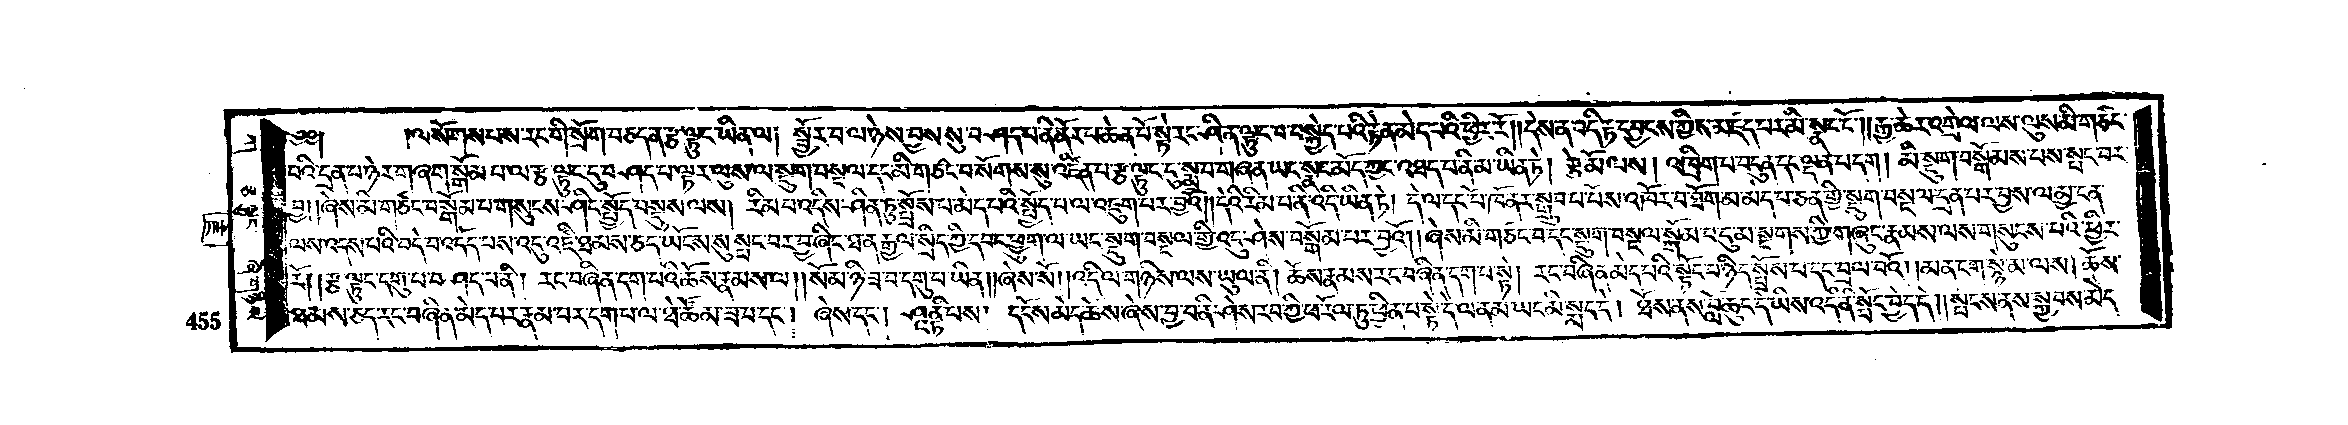༄༅། །ལ་སོགས་པས་རང་གི་སྲོག་བཅད་ན་རྩ་ལྟུང་ཡིན་ལ། སྦྱོར་བ་ལ་ཉེས་བྱས་སུ་བཤད་པ་ནི་ནོར་པ་ཆེན་པོ་སྟེ་རང་ཤི་ན་ལྟུང་བ་བསྐྱེད་པའི་རྟེན་མེད་པའི་ཕྱིར་རོ། །དེས་ན་འདི་རྟ་དབྱངས་ཀྱིས་མཛད་པར་མི་སྣང་ངོ། །རྒྱ་ཆེར་འགྲེལ་ལས་ལུས་མི་གཙང་
པའི་དྲན་པ་ཉེར་གཞག་སྒོམ་པ་ལ་རྩ་ལྟུང་དུ་བཤད་པ་ལྟར་ལུས་ལ་སྡུག་བསྔལ་དང་མི་གཙང་བ་སོགས་སུ་འཛིན་པ་རྩ་ལྟུང་དུ་སྨྲ་བ་གཞན་ཡང་སྣང་མོད་ཀྱང་འཐད་པ་ནི་མ་ཡིན་ཏེ། རྩེ་མོ་ལས། འཁྲིག་པ་བདུན་དང་ལྡན་པ་དག །མི་སྡུག་བསྒོམས་པས་སྤང་བར་
བྱ། །ཞེས་མི་གཙང་བསྒོམ་པ་གསུངས་ཤིང་སྤྱོད་བསྡུས་ལས། རིམ་པ་འདིས་ཤིན་ཏུ་སྤྲོས་པ་མེད་པའི་སྤྱོད་པ་ལ་འཇུག་པར་བྱའོ། །དེའི་རིམ་པ་ནི་འདི་ཡིན་ཏེ། དེ་ལ་དང་པོ་ཁོ་ནར་སྒྲུབ་པ་པོས་འཁོར་བ་ཐོག་མ་མེད་པ་ཅན་གྱི་སྡུག་བསྔལ་དྲན་པར་བྱས་ལ་མྱ་ངན་
ལས་འདས་པའི་བདེ་བ་འདོད་པས་འདུ་འཛི་ཐམས་ཅད་ཡོངས་སུ་སྤང་བར་བྱ་ཞིང་ཐ་ན་རྒྱལ་སྲིད་ཀྱི་དབང་ཕྱུག་ལ་ཡང་སྡུག་བསྔལ་གྱི་འདུ་ཤེས་བསྒོམ་པར་བྱའོ། །ཞེས་མི་གཙང་བ་དང་སྡུག་བསྔལ་སྒོམ་པ་དུ་མ་སྔགས་ཀྱི་གཞུང་རྣམས་ལས་གསུངས་པའི་ཕྱིར་
རོ། །རྩ་ལྟུང་དགུ་པ་བཤད་པ་ནི། རང་བཞིན་དག་པའི་ཆོས་རྣམས་ལ། །སོམ་ཉི་ཟ་བ་དགུ་པ་ཡིན། །ཞེས་སོ། །འདི་ལ་གཉིས་ལས་ཡུལ་ནི། ཆོས་རྣམས་རང་བཞིན་དག་པ་སྟེ། རང་བཞིན་མེད་པའི་སྟོང་པ་ཉིད་སྤྲོས་པ་དང་བྲལ་བའོ། །མན་ངག་སྙེ་མ་ལས། ཆོས་
ཐམས་ཅད་རང་བཞིན་མེད་པར་རྣམ་པར་དག་པ་ལ་ཐེ་ཚོམ་ཟ་བ་དང་། ཞེས་དང་། ཤཱནྟི་པས། དངོས་མེད་ཆོས་ཞེས་བྱ་བ་ནི་ཤེས་རབ་ཀྱི་ཕ་རོལ་ཏུ་ཕྱིན་པ་སྟེ་དེ་ལ་ནམ་ཡང་མི་སྨད་དེ། ཐོས་ནས་བློ་ཆུང་དེ་ཡིས་འདི་ནི་སྤོང་བྱེད་དེ། །སྤངས་ནས་སྐྱབས་མེད་